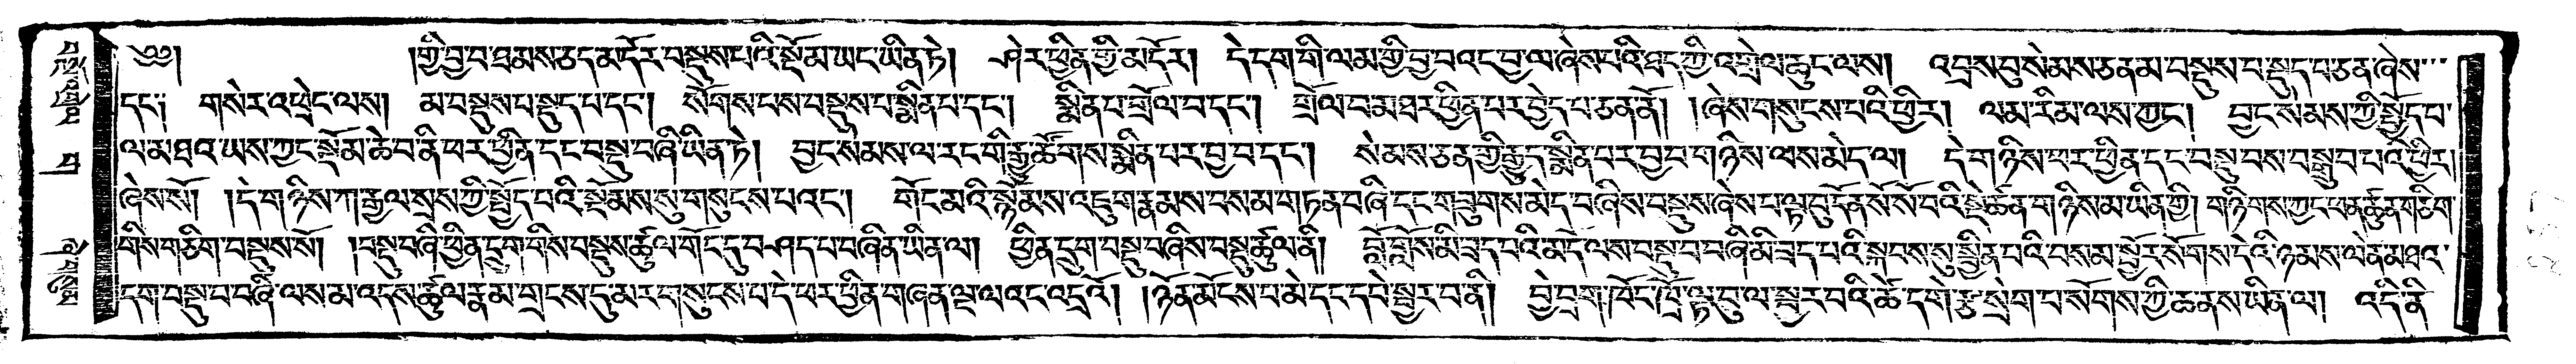༄༅། །གྱི་བྱ་བ་ཐམས་ཅད་མདོར་བསྡུས་པའི་སྡོམ་ཡང་ཡིན་ཏེ། ཤེར་ཕྱིན་གྱི་མདོར། དེ་དག་གི་ལམ་གྱི་བྱ་བའང་བྱ་ལ་ཞེས་པའི་ཐད་ཀྱི་འགྲེལ་ཆུང་ལས། འབྲས་བུ་སེམས་ཅན་མ་བསྡུས་པ་སྡུད་བ་ཅན་ཞེས་
དང༑ གསེར་འཕྲེང་ལས། མ་བསྡུས་པ་སྡུད་པ་དང་། སོགས་པས་བསྡུས་པ་སྨིན་པ་དང་། སྨིན་པ་གྲོལ་བ་དང་། གྲོལ་བ་མཐར་ཕྱིན་པར་བྱེད་པ་ཅན་ནོ། །ཞེས་གསུངས་པའི་ཕྱིར། ལམ་རིམ་ལས་ཀྱང་། བྱང་སེམས་ཀྱི་སྤྱོད་པ་
ལ་མཐའ་ཡས་ཀྱང་སྡོམ་ཆེ་བ་ནི་ཕར་ཕྱིན་དང་བསྡུ་བཞི་ཡིན་ཏེ། བྱང་སེམས་ལ་རང་གི་རྒྱུ་ཚོགས་སྨོན་པར་བྱ་བ་དང་། སེམས་ཅན་གྱི་རྒྱུད་སྨིན་པར་བྱ་བ་གཉིས་ལས་མེད་ལ། དེ་གཉིས་ཕར་ཕྱིན་དང་བསྡུ་བས་བསྒྲུབ་པའི་ཕྱིར།
ཞེས་སོ། །དེ་གཉིས་ཀ་རྒྱལ་སྲས་ཀྱི་སྤྱོད་པའི་སྡོམས་སུ་གསུངས་པའང་། གོང་མའི་སྙོམས་འཇུག་རྣམས་བསམ་གཏན་བཞི་དང་གཟུགས་མེད་བཞིས་བསྡུས་ཞེས་པ་ལྟ་བུ་དོན་སོ་སོ་བའི་སྡེ་ཚན་གཉིས་མ་ཡིན་གྱི། གཉིགས་ཀྱང་ཕན་ཚུན་གཅིག་
གིས་གཅིག་བསྡུས་སོ། །བསྡུ་བཞི་ཕྱིན་དྲུག་གིས་བསྡུས་ཚུལ་གོང་དུ་བཤད་བ་བཞིན་ཡིན་ལ། ཕྱིན་དྲུག་བསྡུ་བཞིས་བསྡུ་ཚུལ་ནི། བློ་གྲོས་མི་ཟད་པའི་མདོ་ལས་བསྡུ་བ་བཞི་མི་ཟད་པའི་སྐབས་སུ་སྦྱིན་པའི་བསམ་སྦྱོར་སོགས་དེའི་ཉམས་ལེན་མཐའ་
དག་བསྡུ་བ་བཞི་ལས་མ་འདས་ཚུལ་རྣམ་གྲངས་དུ་མར་གསུངས་བ་དེ་ཕར་ཕྱིན་གཞན་ལྔ་ལའང་འདྲའོ། །ཉོན་མོངས་པ་མེད་དང་དཔེ་སྦྱར་བ་ནི། བྱེ་བྲག་ཁོང་ཁྲོ་ལྟ་བུ་ལ་སྦྱར་བའི་ཚེ་དགེ་རྩ་སྲེག་པ་སོགས་ཀྱི་ཆ་ནས་ཡིན་ལ། འདི་ནི་